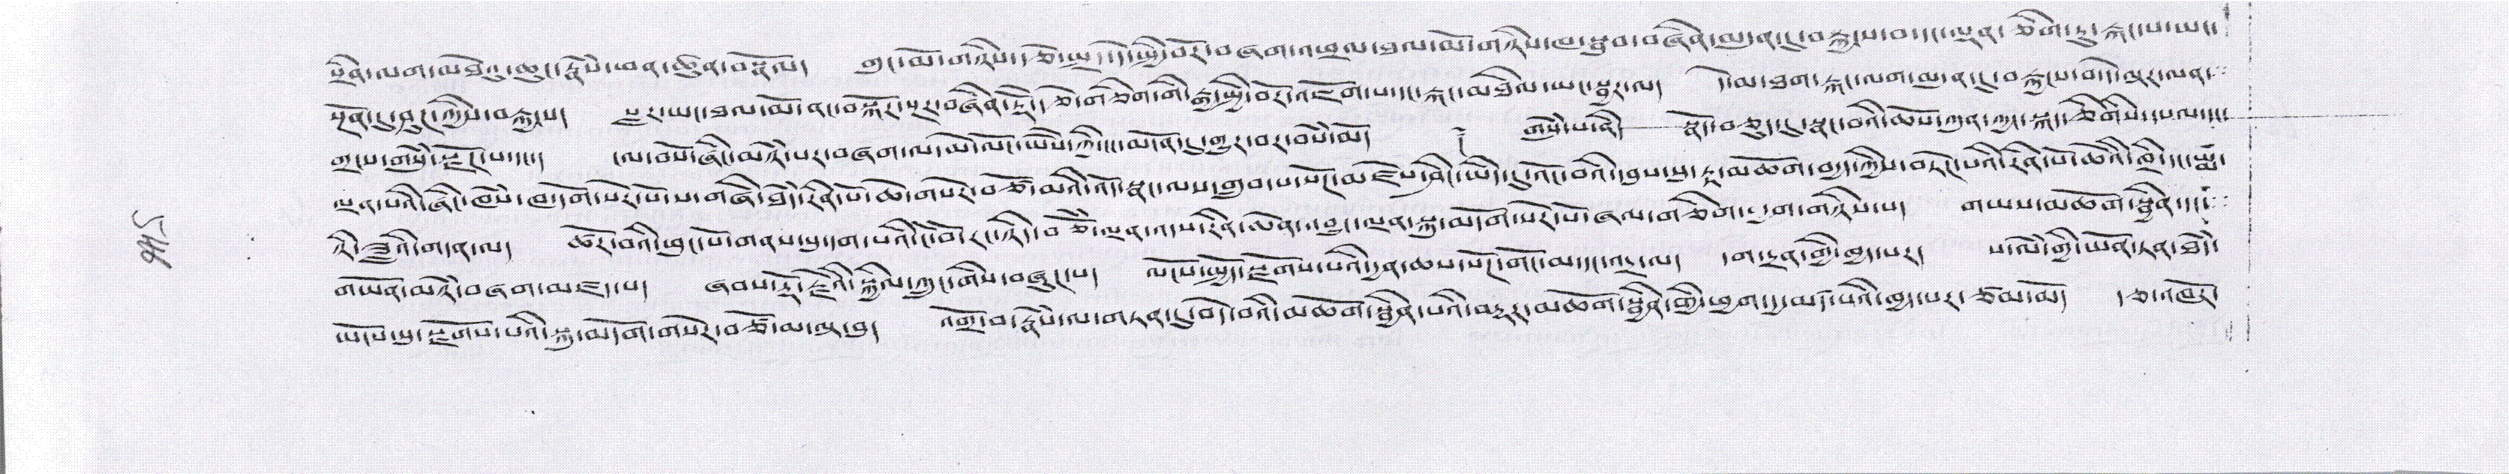སྲིན་ལག་མཐེའུ་ཆུང་རྣམས་ཕན་ཚུན་བསྣོལ། གུང་མོ་གཉིས་རྩེ་སྤྲད་དེ་སྤྱི་བོར་བཞག་འཕྲལ་ཐལ་མོ་གཉིས་ཁ་སྦུབ་བཞིན་མདུན་དུ་བརྐྱང་བ་དང་ལྷན་ཅིག་ཏུ་རྐང་པ་ཡང་
ཤུགས་ཀྱིས་བརྐྱངས། སླར་ཡང་ཐལ་མོ་ནང་བསྐོར་སྔར་བཞིན་རྡོ་རྗེ་རྩེ་གཅིག་གི་རྒྱ་སྤྱི་བོར་འཇོག་པ་དང་རྐང་མཐིལ་ཡང་སྦྱར་ལ། དེ་མ་ཐག་རྐང་ལག་མདུན་དུ་བརྐྱངས་པ་དེ་ལྟར་ལན་
གྲངས་གསུམ་རྫོགས་པ་དང་། ངལ་བསོ་ཞིང་མཉམ་པར་བཞག་ལ་མེ་ལོང་ཡེ་ཤེས་ཀྱི་ངང་མངོན་དུ་གྱུར་པར་བསམ་མོ། གསུམ་པ་ནི་སྣོད་བཅུད་དུ་སྣང་བའི་ཆོས་ཀུན་ཀྱང་སྐད་ཅིག་གིས་དཔལ་དང་
ལྡན་པའི་ཞིང་ཁམས་ཁ་དོག་སེར་པོ་ས་གཞི་ཐམས་ཅད་རིན་པོ་ཆེ་གསེར་བཙོ་མའི་འོད་སྣང་ལས་གྲུབ་པ་སོགས་མཛེས་ཤིང་ཡིད་དུ་འོང་བའི་དབུས་སུ་རྟ་མཆོག་བརྒྱད་ཀྱིས་བཏེགས་པའི་རིན་པོ་ཆེའི་ཁྲི་དང་པདྨ་
ཉི་ཟླའི་གདན་ལ། ཚོར་བའི་ཕུང་པོ་གནས་སུ་དག་པའི་ངོ་བོ་རང་ཉིད་བཅོམ་ལྡན་འདས་རིན་ཆེན་འབྱུང་ལྡན་སྐུ་མདོག་སེར་པོ་ཞལ་གཅིག་ཕྱག་གཉིས་པ། གཡས་མཆོག་སྦྱིན་དང་། 
གཡོན་མཉམ་གཞག་མཛད་པ། ཞབས་རྡོ་རྗེའི་སྐྱིལ་ཀྲུང་གིས་བཞུགས་པ། ལོངས་སྤྱོད་རྫོགས་པའི་རྒྱན་ཆས་སོགས་གོང་མ་དང་འདྲ་ལ། དག་དྲན་གྱི་ཁྱད་པར། ས་ལམ་གྱི་ཡོན་ཏན་ཐམས་ཅད་
ཡོངས་སུ་རྫོགས་པའི་སྐུ་མདོག་གསེར་བཙོ་མ་ལྟ་བུ། འགྲོ་བ་རྣམས་ལ་གཏན་དུ་བདེ་བའི་མཆོག་སྦྱིན་པའི་བརྡར་མཆོག་སྦྱིན་གྱི་ཕྱག་རྒྱ་མཛད་པའི་ཁྱད་པར་ཙམ་མོ། རྩ་འཁོར་